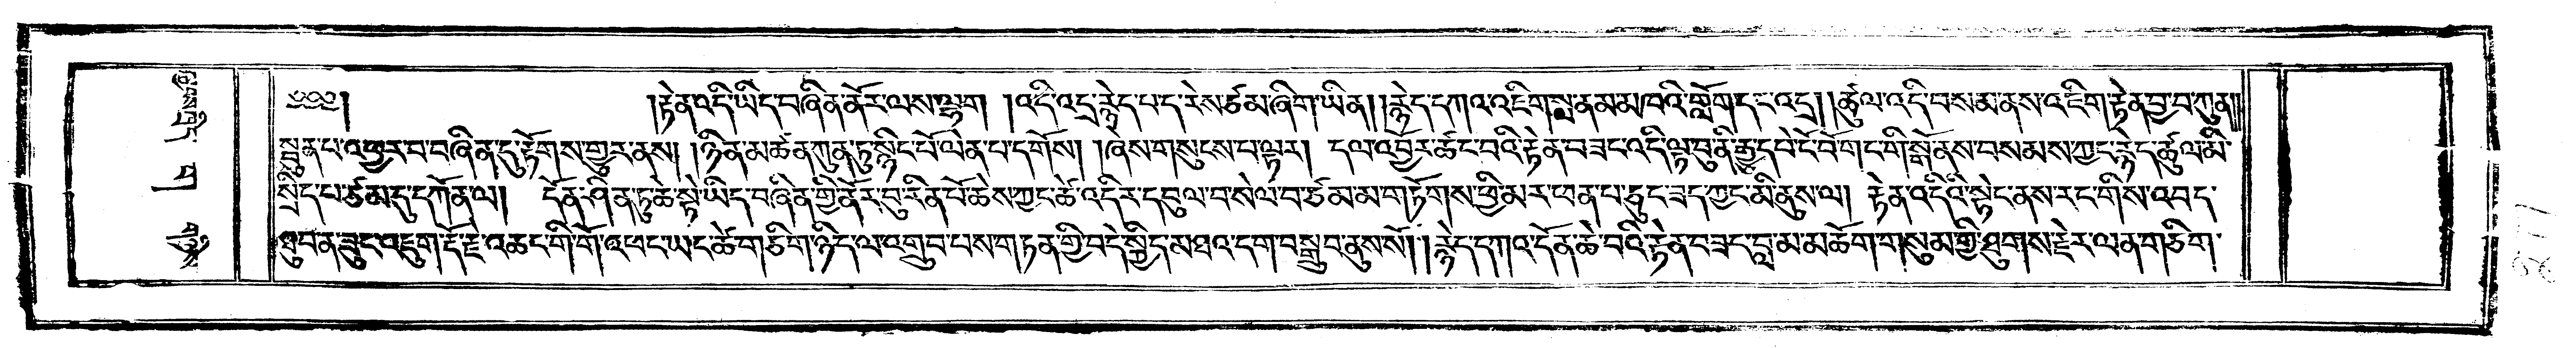༄༅༅། །རྟེན་འདི་ཡིད་བཞིན་ནོར་ལས་ལྷག །འདི་འདྲ་རྙེད་པད་རེས་ཙམ་ཞིག་ཡིན། །རྙེད་དཀའ་འཇིག་སླ་ནམ་མཁའི་གློག་དང་འདྲ། །ཚུལ་འདི་བསམ་ནས་འཇིག་རྟེན་བྱ་བ་ཀུན།།
སྤུན་པ་འཕྱར་བ་བཞིན་དུ་རྟོགས་གྱུར་ནས། །ཉིན་མཚན་ཀུན་ཏུ་སྙིང་པོ་ལེན་པ་དགོས། །ཞེས་གསུངས་པ་ལྟར། དལ་འབྱོར་ཚང་བའི་རྟེན་བཟང་འདི་ལྟ་བུ་ནི་རྒྱུད་པ་ངོ་བོ་གང་གི་སྒོ་ནས་བསམས་ཀྱང་རྙད་ཚུལ་མི་
སྲིད་པ་ཙམ་དུ་དཀོན་ལ། དོན་ཤིན་ཏུ་ཆེ་སྟེ་ཡིད་བཞིན་གྱི་ནོར་བུ་རིན་པོ་ཆེས་ཀྱང་ཚེ་འདིར་དབུལ་བ་སེལ་བ་ཙམ་མ་གཏོགས་ཕྱི་མར་ཕན་པ་ཅུང་ཟད་ཀྱང་མི་ནུས་ལ། རྟེན་འདིའི་སྟེང་ནས་རང་གིས་འབད་
ཐུབ་ན་ཟུང་འཇུག་རྡོ་རྗེ་འཆང་གི་གོ་འཕང་ཡང་ཚེ་གཅིག་ཉིད་ལ་འགྲུབ་པས་གཏན་གྱི་བདེ་སྐྱིད་མཐའ་དག་བསྒྲུབ་ནུས་སོ། །རྙེད་དཀའ་དོན་ཆེ་བའི་རྟེན་བཟང་བླ་མ་མཆོག་གསུམ་གྱི་ཐུགས་རྗེར་ལན་གཅིག་